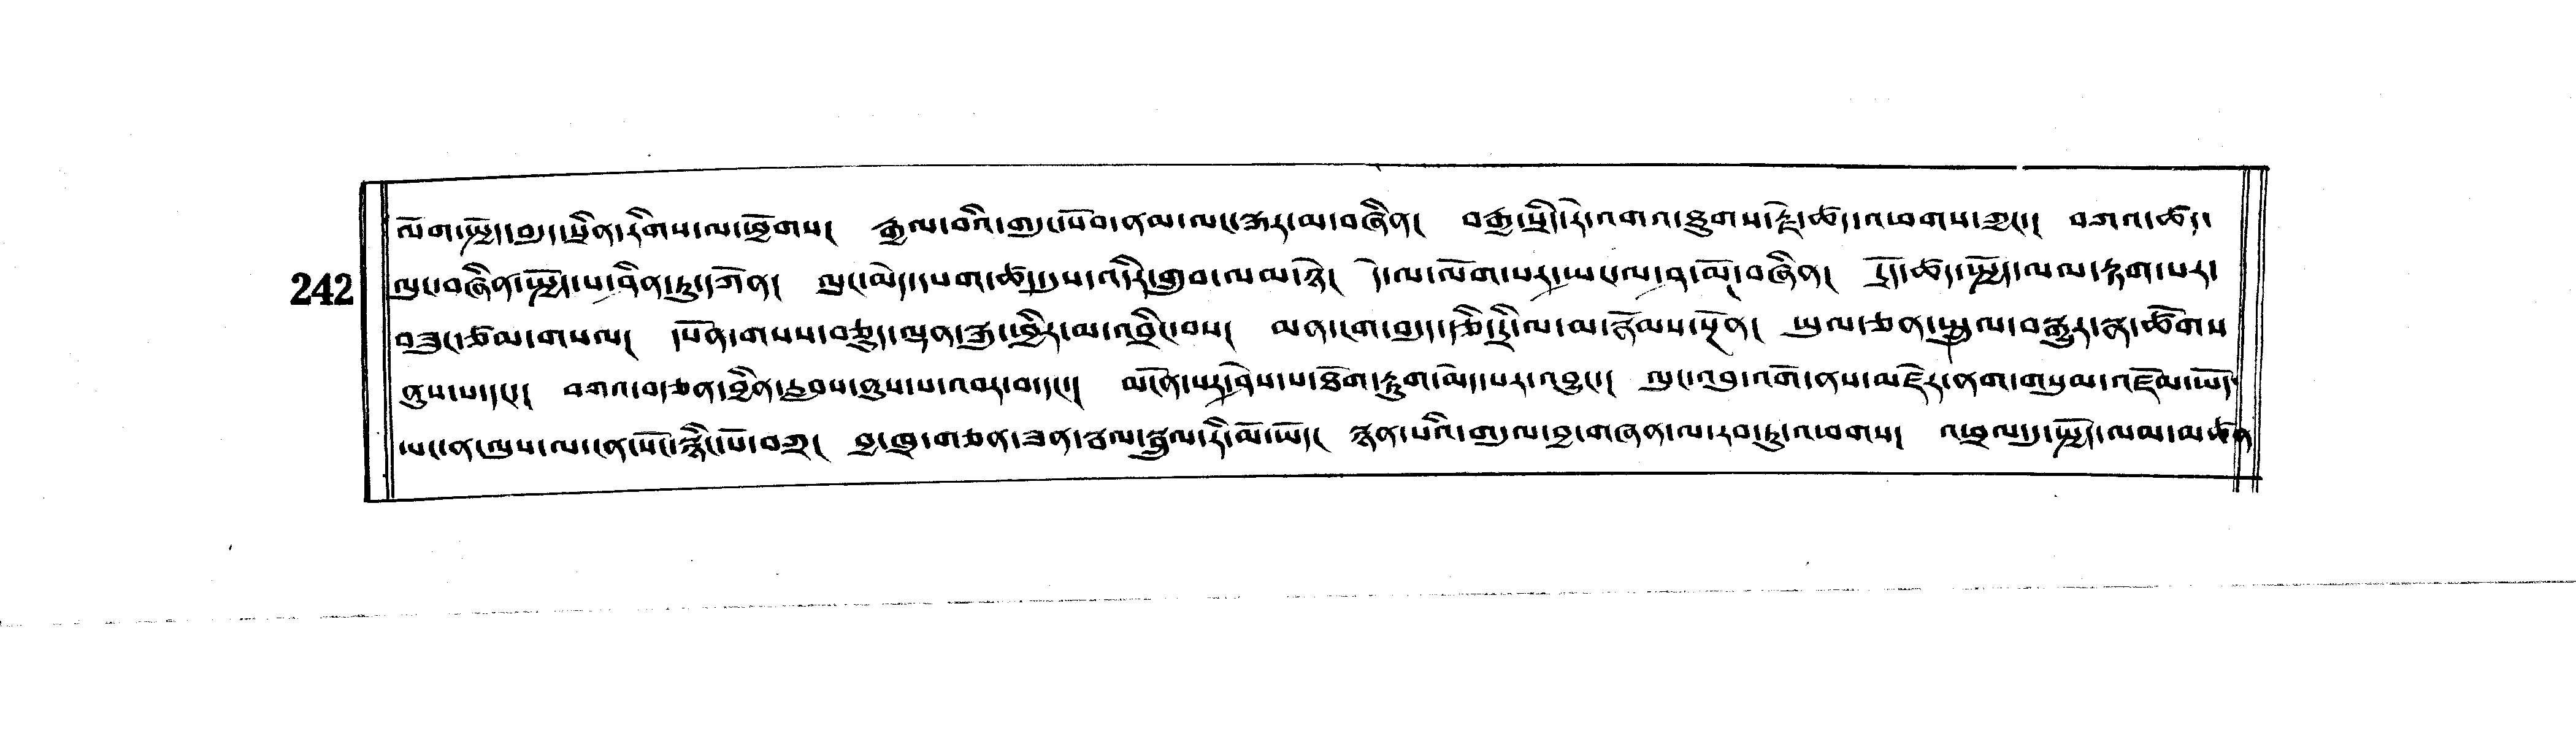ལོག་སྤྱོད་བདུད་སྲིན་རིགས་ལ་ཕྱོགས། རྒྱལ་བའི་གདུང་སོབ་ནམ་ལངས་སྐར་མ་བཞིན། བརྒྱ་སྲིད་རེ་འགའ་ཐུགས་རྗེ་ཚད་འཕགས་ཀྱང་། བཀའ་ཚད་
ལུང་བཞིན་སྤྱོད་པ་ཤིན་ཏུ་དཀོན། ལུང་མེད་དཔག་ཚད་དུས་འདིར་གྲུབ་ལམ་ཉེ། དེ་ལ་ལོག་པར་སྤང་ལ་ཤ་མོང་བཞིན། དྲོད་ཚད་སྤྱོད་ལམ་རྟག་པར་
བཟུང་ཙམ་གསལ། དཔོན་གསས་བཅུད་ལྡན་སྐུ་ཕྱིར་མ་འབྲེང་བས། མན་ངག་བདུད་རྩི་དྲི་ལ་མ་སྣོམས་སྔོན། ཡུལ་ཅན་སྤྲུལ་སྒྱུར་སྣ་ཚོགས་
ནུས་པ་དང་། བཀའ་བཙན་བྱིན་རླབས་ནུས་པ་འབར་བ་དང་། མངོན་པར་ཤེས་པ་ཐོག་རྡུག་མེད་པར་འབྱུང་། ལུང་འབུ་མགོ་ནས་འཛེར་ནག་གསུམ་འཛོམས་ཡོད། 
ཡང་ན་ལུས་ལ་ནད་སོང་སྙིང་པོ་བཀྲ། བྱ་ཁྲ་གཅན་གཟན་སྦལ་སྦྲུལ་རི་མོ་ཡོད། སྙན་པའི་གདུལ་བྱ་གཞན་ལ་རབ་ཏུ་འཕགས། འཕྲལ་དུ་སྤྱོད་ལམ་མཚན་